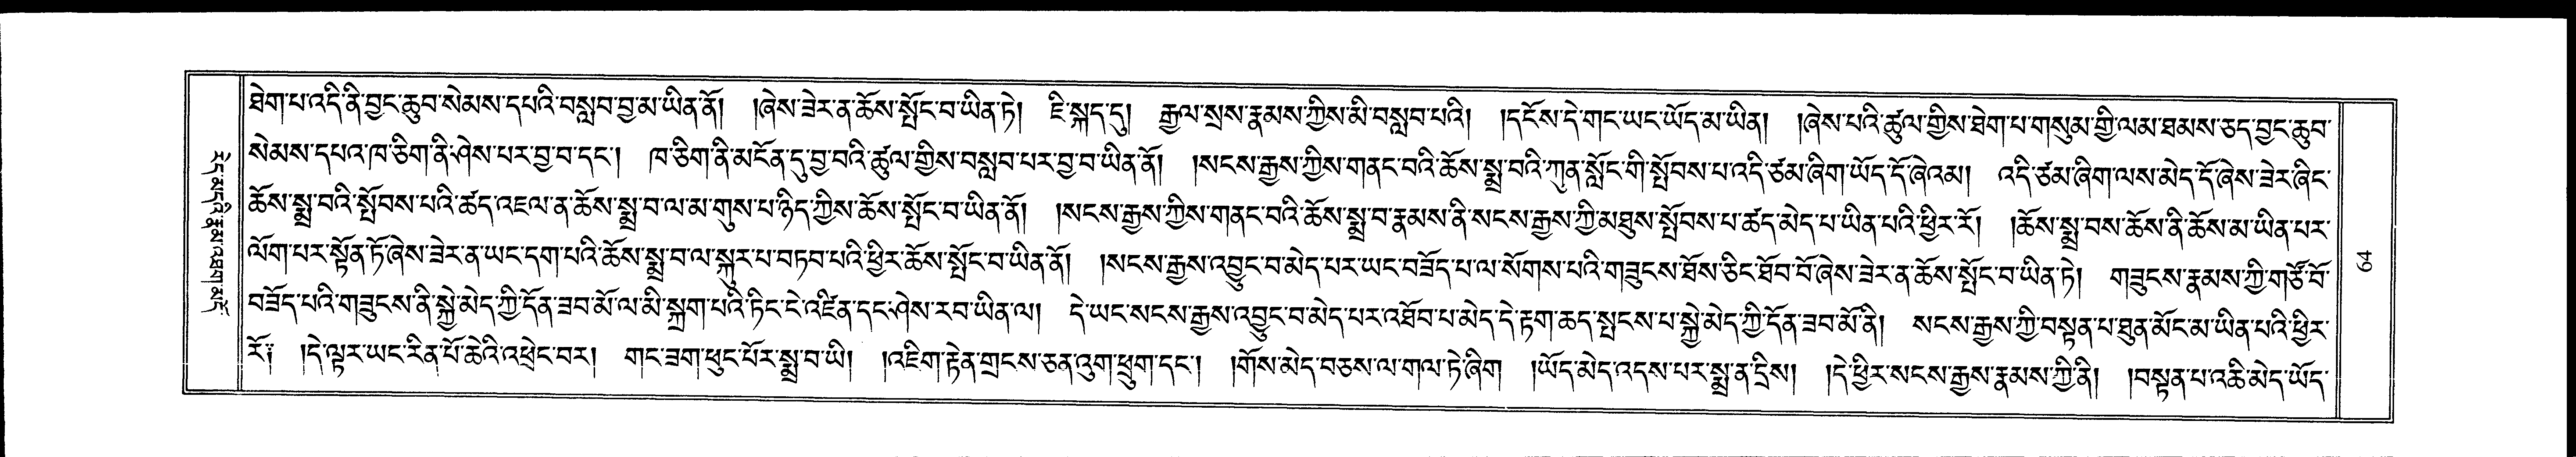ཐེག་པ་འདི་ནི་བྱང་ཆུབ་སེམས་དཔའི་བསླབ་བྱ་མ་ཡིན་ནོ། །ཞེས་ཟེར་ན་ཆོས་སྤོང་བ་ཡིན་ཏེ། ཇི་སྐད་དུ། རྒྱལ་སྲས་རྣམས་ཀྱིས་མི་བསླབ་པའི། །དངོས་དེ་གང་ཡང་ཡོད་མ་ཡིན། །ཞེས་པའི་ཚུལ་གྱིས་ཐེག་པ་གསུམ་གྱི་ལམ་ཐམས་ཅད་བྱང་ཆུབ་
སེམས་དཔའ་ཁ་ཅིག་ནི་ཤེས་པར་བྱ་བ་དང་། ཁ་ཅིག་ནི་མངོན་དུ་བྱ་བའི་ཚུལ་གྱིས་བསླབ་པར་བྱ་བ་ཡིན་ནོ། །སངས་རྒྱས་ཀྱིས་གནང་བའི་ཆོས་སྨྲ་བའི་ཀུན་སློང་གི་སྤོབས་པ་འདི་ཙམ་ཞིག་ཡོད་དོ་ཞེའམ། འདི་ཙམ་ཞིག་ལས་མེད་དོ་ཞེས་ཟེར་ཞིང་
ཆོས་སྨྲ་བའི་སྤོབས་པའི་ཚད་འཇལ་ན་ཆོས་སྨྲ་བ་ལ་མ་གུས་པ་ཉིད་ཀྱིས་ཆོས་སྤོང་བ་ཡིན་ནོ། །སངས་རྒྱས་ཀྱིས་གནང་བའི་ཆོས་སྨྲ་བ་རྣམས་ནི་སངས་རྒྱས་ཀྱི་མཐུས་སྤོབས་པ་ཚད་མེད་པ་ཡིན་པའི་ཕྱིར་རོ། །ཆོས་སྨྲ་བས་ཆོས་ནི་ཆོས་མ་ཡིན་པར་
ལོག་པར་སྟོན་ཏོ་ཞེས་ཟེར་ན་ཡང་དག་པའི་ཆོས་སྨྲ་བ་ལ་སྐུར་པ་བཏབ་པའི་ཕྱིར་ཆོས་སྤོང་བ་ཡིན་ནོ། །སངས་རྒྱས་འབྱུང་བ་མེད་པར་ཡང་བཟོད་པ་ལ་སོགས་པའི་གཟུངས་ཐོས་ཅིང་ཐོབ་བོ་ཞེས་ཟེར་ན་ཆོས་སྤོང་བ་ཡིན་ཏེ། གཟུངས་རྣམས་ཀྱི་གཙོ་བོ་
བཟོད་པའི་གཟུངས་ནི་སྐྱེ་མེད་ཀྱི་དོན་ཟབ་མོ་ལ་མི་སྐྲག་པའི་ཏིང་ངེ་འཛིན་དང་ཤེས་རབ་ཡིན་ལ། དེ་ཡང་སངས་རྒྱས་འབྱུང་བ་མེད་པར་འཐོབ་པ་མེད་དེ་རྟག་ཆད་སྤངས་པ་སྐྱེ་མེད་ཀྱི་དོན་ཟབ་མོ་ནི། སངས་རྒྱས་ཀྱི་བསྟན་པ་ཐུན་མོང་མ་ཡིན་པའི་ཕྱིར་
རོ། །དེ་ལྟར་ཡང་རིན་པོ་ཆེའི་འཕྲེང་བར། གང་ཟག་ཕུང་པོར་སྨྲ་བ་ཡི། །འཇིག་རྟེན་གྲངས་ཅན་འུག་ཕྲུག་དང་། །གོས་མེད་བཅས་ལ་གལ་ཏེ་ཞིག །ཡོད་མེད་འདས་པར་སྨྲ་ན་དྲིས། །དེ་ཕྱིར་སངས་རྒྱས་རྣམས་ཀྱི་ནི། །བསྟན་པ་འཆི་མེད་ཡོད་